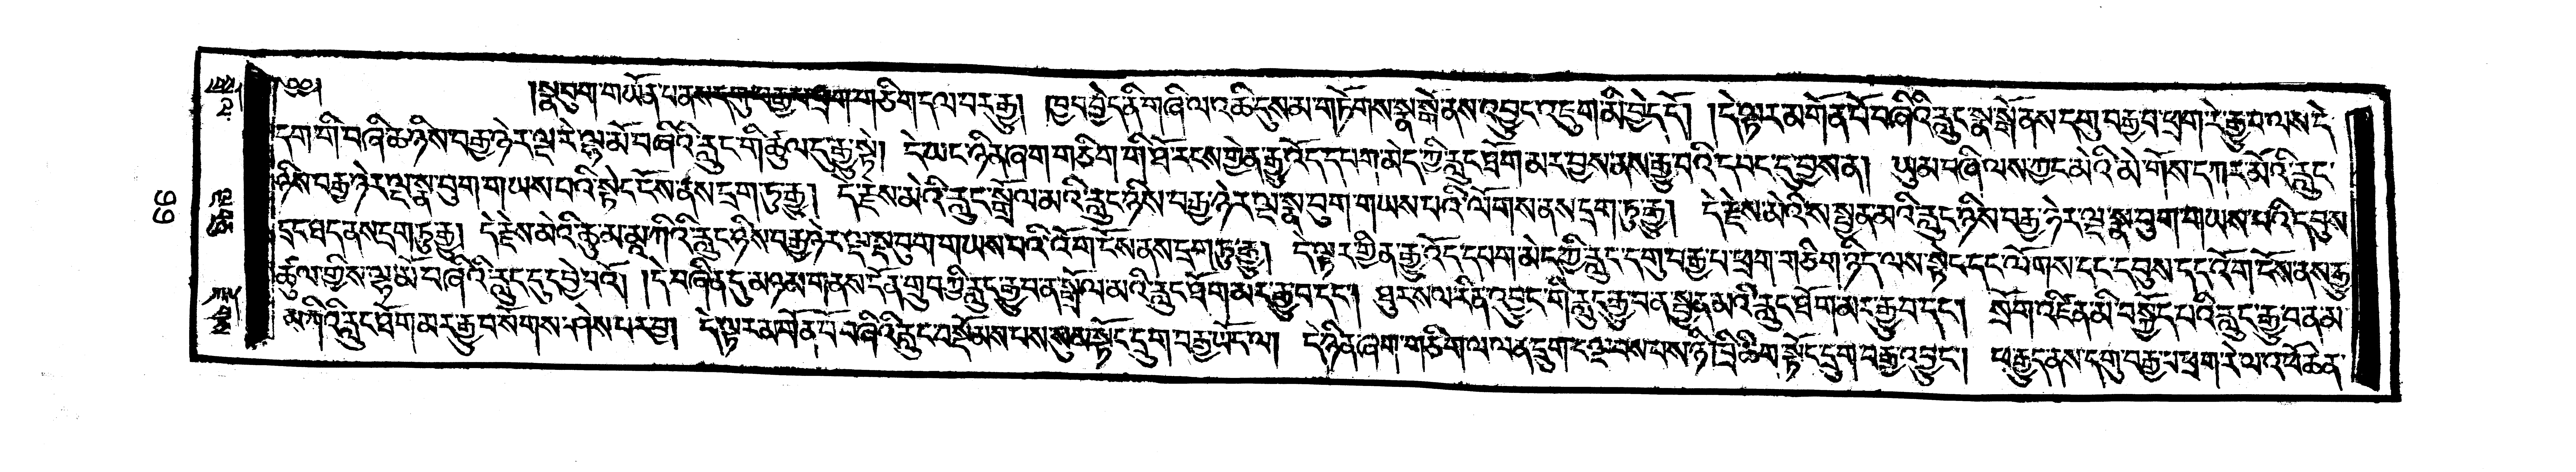༄༅། །སྣ་བུག་གཡོན་པ་ནས་དགུ་བརྒྱ་པ་ཕྲག་གཅིག་དལ་བར་རྒྱུ། ཁྱབ་བྱེད་ནི་གཞི་ལ་འཆི་དུས་མ་གཏོགས་སྣ་སྒོ་ནས་འབྱུང་འཇུག་མི་བྱེད་དོ། །དེ་ལྟར་མགོན་པོ་བཞིའི་རླུང་སྣ་སྒོ་ནས་དགུ་བརྒྱ་པ་ཕྲག་རེ་རྒྱུ་བ་ལས་དེ་
དག་གི་བཞི་ཆ་ཉིས་བརྒྱ་ཉེར་ལྔ་རེ་ལྷ་མོ་བཞིའི་རླུང་གི་ཚུལ་དུ་རྒྱུ་སྟེ། དེ་ཡང་ཉིན་ཞག་གཅིག་གི་ཧོ་རངས་གྱེན་རྒྱུ་འོད་དཔག་མེད་ཀྱི་རླུང་ཐོག་མར་བྱས་ནས་རྒྱུ་བའི་དབང་དུ་བྱས་ན། ཡུམ་བཞི་ལས་ཀྱང་མེའི་མེ་གོས་དཀར་མོའི་རླུང་
ཉིས་བརྒྱ་ཉེར་ལྔ་སྣ་བུག་གཡས་པའི་སྟེང་ངོས་ནས་དྲག་ཏུ་རྒྱུ། དེ་རྗེས་མེའི་རླུང་སྒྲོལ་མའི་རླུང་ཉིས་བརྒྱ་ཉེར་ལྔ་སྣ་བུག་གཡས་པའི་ལོགས་ནས་དྲག་ཏུ་རྒྱུ། དེ་རྗེས་མེའི་ས་སྤྱན་མའི་རླུང་ཉིས་བརྒྱ་ཉེར་ལྔ་སྣ་བུག་གཡས་པའི་དབུས་
དྲང་ཐད་ནས་དྲག་ཏུ་རྒྱུ། དེ་རྗེས་མེའི་ཆུ་མཱ་མ་ཀླིའི་རླུང་ཉིས་བརྒྱ་ཉེར་ལྔ་སྣ་བུག་གཡས་པའི་འོག་ངོས་ནས་དྲག་ཏུ་རྒྱུ། དེ་ལྟར་གྱེན་རྒྱུ་འོད་དཔག་མེད་ཀྱི་རླུང་དགུ་བརྒྱ་པ་ཕྲག་གཅིག་ཉིད་ལས་སྟེང་དང་ལོགས་དང་དབུས་དང་འོག་ངོས་ནས་རྒྱུ་
ཚུལ་གྱིས་ལྷ་མོ་བཞིའི་རླུང་དུ་དབྱེ་བའོ། །དེ་བཞིན་དུ་མཉམ་གནས་དོན་གྲུབ་ཀྱི་རླུང་རྒྱུ་བ་ན་སྒྲོལ་མའི་རླུང་ཐོག་མར་རྒྱུ་བ་དང་། ཐུར་སེལ་རིན་འབྱུང་གི་རླུང་རྒྱུ་བ་ན་སྤྱན་མའི་རླུང་ཐོག་མར་རྒྱུ་བ་དང་། སྲོག་འཛིན་མི་བསྐྱོད་པའི་རླུང་རྒྱུ་བ་ན་མཱ་
མ་ཀཱིའི་རླུང་ཐོག་མར་རྒྱུ་བ་སོགས་ཤེས་པར་བྱ། དེ་ལྟར་མགོན་པོ་བཞིའི་རླུང་བསྡོམས་བས་སུམ་སྟོང་དྲུག་བརྒྱ་ཡོད་ལ། དེ་ཉིན་ཞག་གཅིག་ལ་ལན་དྲུག་བལྡབས་བས་ཉི་ཁྲི་ཆིག་སྟོང་དྲུག་བརྒྱ་འབྱུང་། ཕ་རྒྱུད་ནས་དགུ་བརྒྱ་པ་ཕྲག་རེ་ལ་འཕོ་ཆེན་